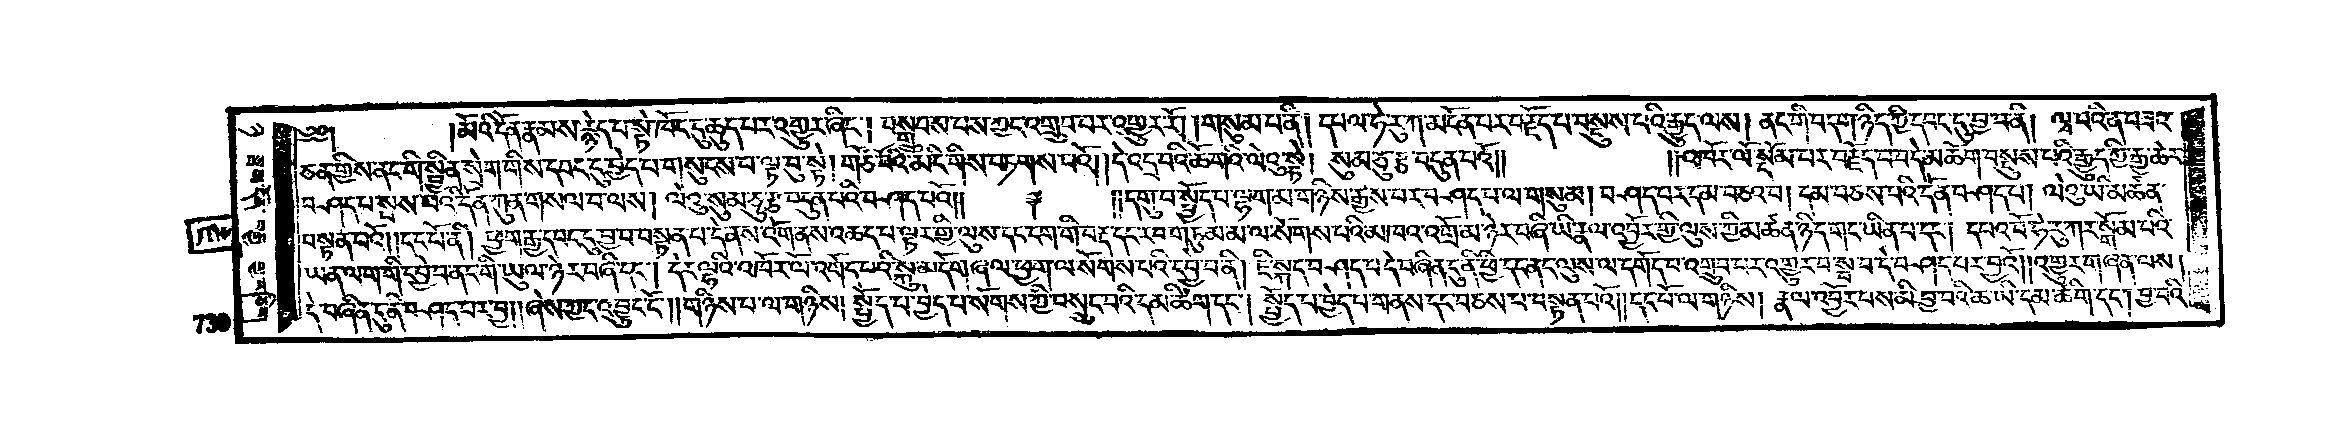༄༅། །མོའི་དོན་རྣམས་རྙེད་པ་སྟེ་ཁོང་དུ་ཆུད་པར་འགྱུར་ཞིང་། བསྒྲུབས་པས་ཀྱང་འགྲུབ་པར་འགྱུར་རོ། །གསུམ་པ་ནི། དཔལ་ཧེ་རུ་ཀ་མངོན་པར་བརྗོད་པ་བསྡུས་པའི་རྒྱུད་ལས། ནང་གི་བདག་ཉིད་ཀྱི་དབང་དུ་བྱ་བ་ནི། ལྭ་བའི་ན་བཟའ་
ཅན་གྱིས་ནང་གི་སྦྱིན་སྲེག་གིས་དབང་དུ་བྱེད་པ་གསུངས་པ་ལྟ་བུ་སྟེ། གཙོ་བོའི་མིང་གིས་བཏགས་པའོ། །དེ་འདྲ་བའི་ཆོ་གའི་ལེའུ་སྟེ། སུམ་ཅུ་རྩ་བདུན་པའོ།། །།འཁོར་ལོ་སྡོམ་པར་བརྗོད་པ་བདེ་མཆོག་བསྡུས་པའི་རྒྱུད་ཀྱི་རྒྱ་ཆེར་
བཤད་པ་སྦས་པའི་དོན་ཀུན་གསལ་བ་ལས། ལེའུ་སུམ་ཅུ་རྩ་བདུན་པའི་བཤད་པའོ།། ༈ །།དགུ་པ་སྤྱོད་པ་ལྷག་མ་གཉིས་རྒྱས་པར་བཤད་པ་ལ་གསུམ། བཤད་པར་དམ་བཅའ་བ། དམ་བཅས་པའི་དོན་བཤད་པ། ལེའུ་ཡི་མཚན་
བསྟན་པའོ། །དང་པོ་ནི། ཕྱག་རྒྱ་དབང་དུ་བྱ་བ་བསྟན་པ་དེ་ནས་འོག་ནས་འཆད་པ་ལྟར་གྱི་ལུས་དང་ངག་གི་བརྡ་དང་རབ་གཏུམ་མ་ལ་སོགས་པའི་མཁའ་འགྲོ་མ་ཉེར་བཞི་ཡི་རྣལ་འབྱོར་གྱི་ལུས་ཀྱི་མཚན་ཉིད་གང་ཡིན་པ་དང་། དཔའ་བོ་ཧེ་རུ་ཀར་སྒོམ་པའི་
ཡན་ལག་གི་དབྱེ་བ་ནང་གི་ཡུལ་ཉེར་བཞི་དང་། དེར་ལྷའི་འཁོར་ལོ་འགོད་པའི་སྐུ་མདོག་ཞལ་ཕྱག་ལ་སོགས་པའི་དབྱེ་བ་ནི། ཇི་སྐད་བཤད་པ་དེ་བཞིན་དུ་ནི་ཕྱི་དང་ནང་ལུས་ལ་དགོད་པ་འགྲུབ་པར་འགྱུར་པ་སྦ་བ་དེ་བཤད་པར་བྱའོ། །འགྱུར་གཞན་ལས།
དེ་བཞིན་དུ་ནི་བཤད་པར་བྱ། །ཞེས་ཀྱང་འབྱུང་ངོ། །གཉིས་པ་ལ་གཉིས། སྤྱོད་པ་བྱེད་པ་སོགས་ཀྱི་བསྲུང་བའི་དམ་ཚིག་དང་། སྤྱོད་པ་བྱེད་པ་གནས་དང་བཅས་པ་བསྟན་པའོ། །དང་པོ་ལ་གཉིས། རྣལ་འབྱོར་པས་མི་བྱ་བའི་ཆ་ཡི་དམ་ཚིག་དང་། བྱ་བའི་